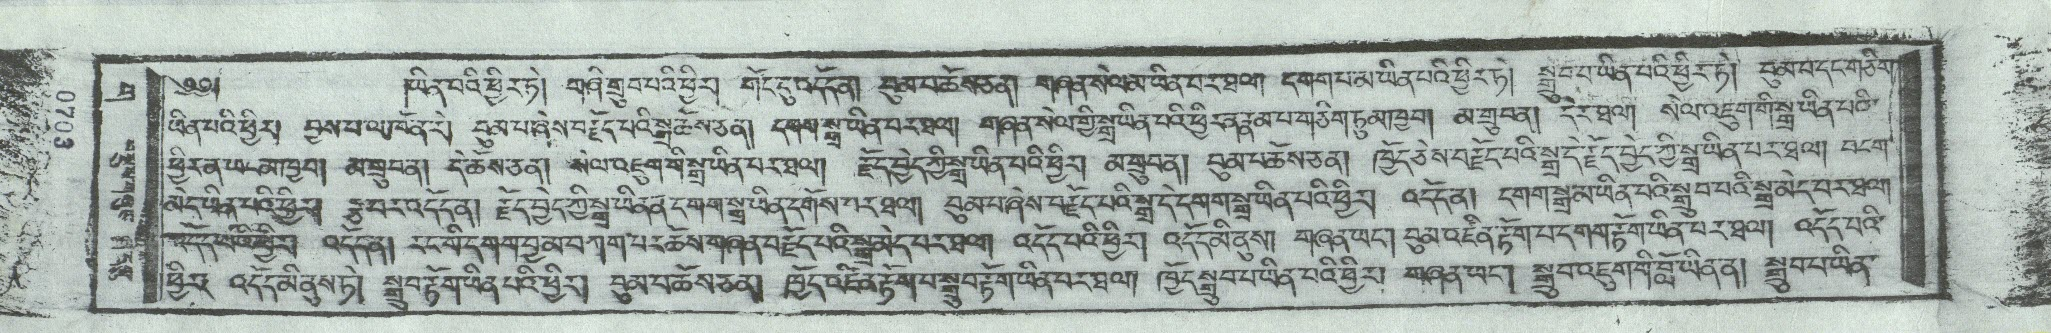༄༅། །ཡིན་པའི་ཕྱིར་ཏེ། གཞི་གྲུབ་པའི་ཕྱིར། གོང་དུ་འདོད་ན། བུམ་པ་ཆོས་ཅན། གཞན་སེལ་མ་ཡིན་པར་ཐལ། དགག་པ་མ་ཡིན་པའི་ཕྱིར་ཏེ། སྒྲུབ་པ་ཡིན་པའི་ཕྱིར་ཏེ། བུམ་པ་དང་གཅིག་
ཡིན་པའི་ཕྱིར། བྱས་པ་ལ་ཁོ་ན་རེ། བུམ་པ་ཞེས་བརྗོད་པའི་སྒྲ་ཆོས་ཅན། དགག་སྒྲ་ཡིན་པར་ཐལ། གཞན་སེལ་གྱི་སྒྲ་ཡིན་པའི་ཕྱིར་ན་རྣམ་པ་གཅིག་ཏུ་མ་ཁྱབ། མ་གྲུབ་ན། དེར་ཐལ། སེལ་འཇུག་གི་སྒྲ་ཡིན་པའི་
ཕྱིར་ན་ཡང་མ་ཁྱབ། མ་གྲུབ་ན། དེ་ཆོས་ཅན། སེལ་འཇུག་གི་སྒྲ་ཡིན་པར་ཐལ། རྗོད་བྱེད་ཀྱི་སྒྲ་ཡིན་པའི་ཕྱིར། མ་གྲུབ་ན། བུམ་པ་ཆོས་ཅན། ཁྱོད་ཅེས་བརྗོད་པའི་སྒྲ་དེ་རྗོད་བྱེད་ཀྱི་སྒྲ་ཡིན་པར་ཐལ། བདག་
མེད་ཡིན་པའི་ཕྱིར། རྩ་བར་འདོད་ན། རྗོད་བྱེད་ཀྱི་སྒྲ་ཡིན་ན་དགག་སྒྲ་ཡིན་དགོས་པར་ཐལ། བུམ་པ་ཞེས་བརྗོད་པའི་སྒྲ་དེ་དགག་སྒྲ་ཡིན་པའི་ཕྱིར། འདོད་ན། དགག་སྒྲ་མ་ཡིན་པའི་སྒྲུབ་པའི་སྒྲ་མེད་པར་ཐལ།
འདོད་པའི་ཕྱིར། འདོད་ན། རང་གི་དགག་བྱ་མ་བཀག་པར་ཆོས་གཞན་བརྗོད་པའི་སྒྲ་མེད་པར་ཐལ། འདོད་པའི་ཕྱིར། འདོད་མི་ནུས། གཞན་ཡང་། བུམ་འཛིན་རྟོག་པ་དགག་རྟོག་ཡིན་པར་ཐལ། འདོད་པའི་
ཕྱིར༑ འདོད་མི་ནུས་ཏེ། སྒྲུབ་རྟོག་ཡིན་པའི་ཕྱིར། བུམ་པ་ཆོས་ཅན། ཁྱོད་འཛིན་རྟོག་པ་སྒྲུབ་རྟོག་ཡིན་པར་ཐལ། ཁྱོད་སྒྲུབ་པ་ཡིན་པའི་ཕྱིར། གཞན་ཡང་། སྒྲུབ་འཇུག་གི་བློ་ཡིན་ན། སྒྲུབ་པ་ཡིན་